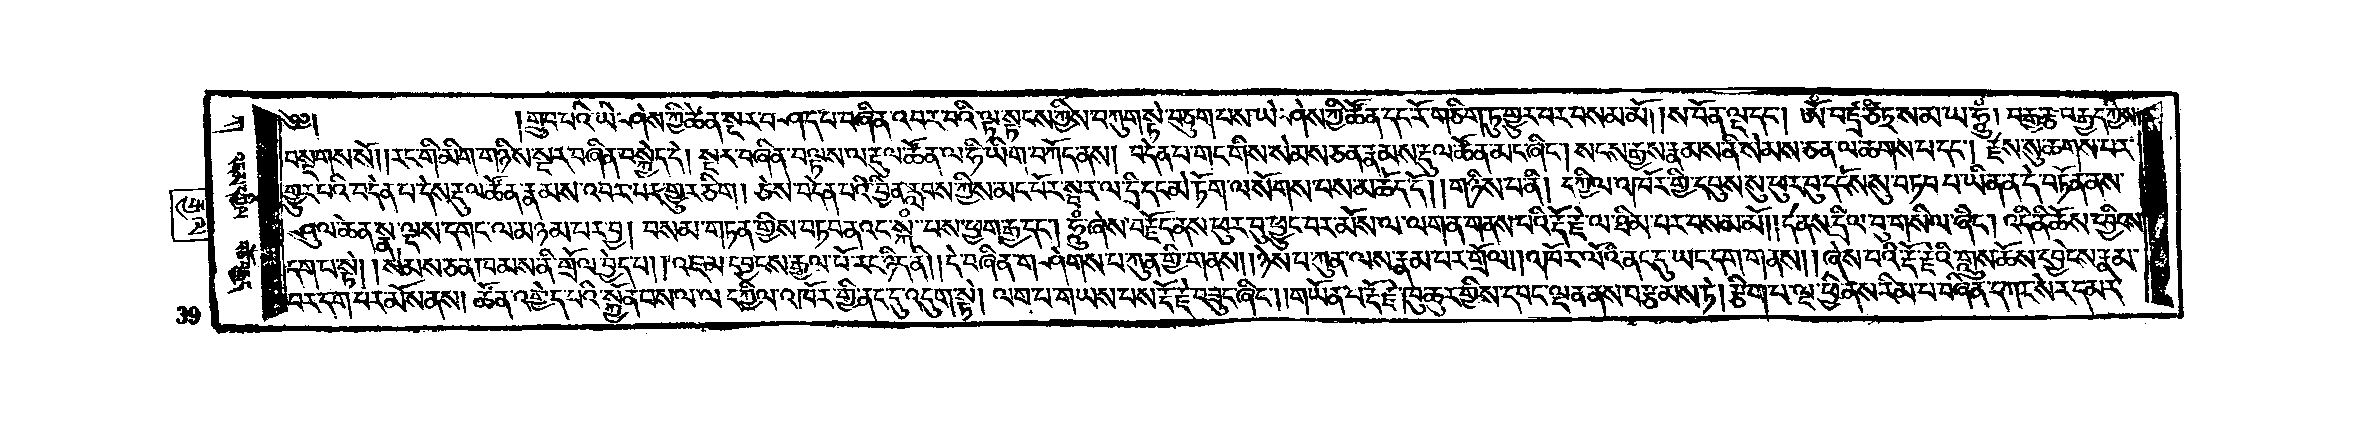༄༅། །གྲུབ་པའི་ཡེ་ཤེས་ཀྱི་ཚེན་སྔར་བཤད་པ་བཞིན་འབར་བའི་ལྟ་སྟངས་ཀྱིས་བཀུག་སྟེ་བཅུག་པས་ཡེ་ཤེས་ཀྱི་ཚོན་དང་རོ་གཅིག་ཏུ་གྱུར་པར་བསམ་མོ། །ས་བོན་ལྔ་དང་། ཨོཾ་བཛྲ་ཙི་ཏྲ་ས་མ་ཡ་ཧཱུཾ། བརྒྱ་རྩ་བརྒྱད་ཀྱིས་
བསྔགས་སོ། །རང་གི་མིག་གཉིས་སྔར་བཞིན་བསྐྱེད་དེ། སྔར་བཞིན་བལྟས་ལ་རྡུལ་ཚོན་ལ་ཧི་ཡིག་བཀོད་ནས། བདེན་པ་གང་གིས་སེམས་ཅན་རྣམས་རྡུལ་ཚོན་མང་ཞིང་། སངས་རྒྱས་རྣམས་ནི་སེམས་ཅན་ལ་ཆགས་པ་དང་། རྗེས་སུ་ཆགས་པར་
གྱུར་པའི་བདེན་པ་དེས་རྡུལ་ཚོན་རྣམས་འབར་པར་གྱུར་ཅིག །ཅེས་བདེན་པའི་བྱིན་རླབས་ཀྱིས་མང་པོར་སྦར་ལ་དྲི་དང་མེ་ཏོག་ལ་སོགས་པས་མཆོད་དོ། །གཉིས་པ་ནི། དཀྱིལ་འཁོར་གྱི་དབུས་སུ་ཕུར་བུ་དངོས་སུ་བཏབ་པ་ཡིན་ན་དེ་བཏོན་ནས་
ཤུལ་ཆེན་སྣ་ལྔས་དགང་ལ་མཉམ་པར་བྱ། བསམ་གཏན་གྱིས་བཏབ་ནའང་སྐཾ་པས་ཕྱག་རྒྱ་དང་། ཧཱུཾ་ཞེས་བརྗོད་ནས་ཕུར་བུ་ཕུང་བར་མོས་ལ་ལག་ན་གནས་པའི་རྡོ་རྗེ་ལ་ཐིམ་པར་བསམ་མོ། །དེ་ནས་དྲིལ་བུ་གསིལ་ཞིང་། འདི་ནི་ཆོས་དབྱིངས་
དག་པ་སྟེ། །སེམས་ཅན་ཁམས་ནི་གྲོལ་བྱེད་པ། །འཇམ་དབྱངས་རྒྱལ་པོ་རང་ཉིད་ནི། །དེ་བཞིན་གཤེགས་པ་ཀུན་གྱི་གནས། །ཉེས་པ་ཀུན་ལས་རྣམ་པར་གྲོལ། །འཁོར་ལོའི་ནང་དུ་ཡང་དག་གནས། །ཞེས་པའི་རྡོ་རྗེའི་གླུས་ཆོས་དབྱིངས་རྣམ་
པར་དག་པར་མོས་ནས། ཚོན་འགྱེད་པའི་སྐྱོན་བསལ་ལ་དཀྱིལ་འཁོར་གྱི་ནང་དུ་འདུག་སྟེ། ལག་པ་གཡས་པས་རྡོ་རྗེ་བཟུང་ཞིང་། །གཡོན་པ་རྡོ་རྗེ་ཁུ་ཆུར་གྱིས་དབང་ལྡན་ནས་བརྩམས་ཏེ། རྩིག་པ་ལྔ་ཕྱི་ནས་རིམ་པ་བཞིན་དཀར་སེར་དམར་